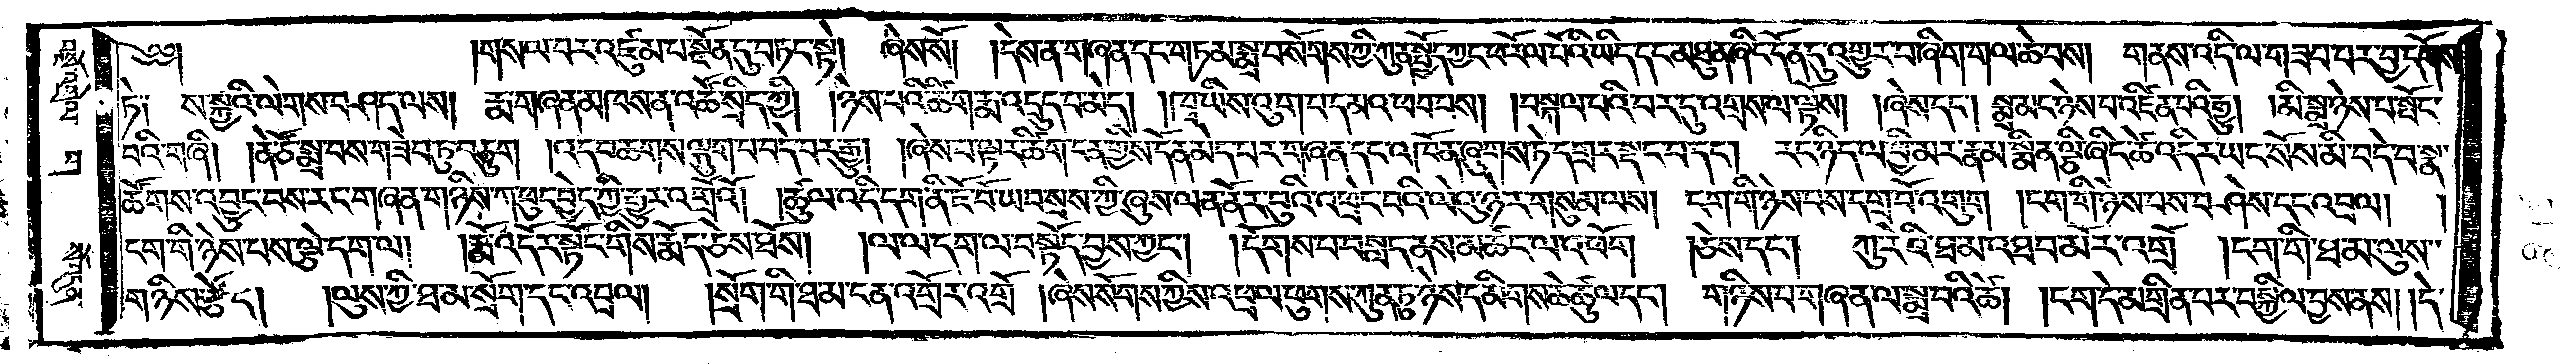༄༅། །གསལ་བར?་འཛུམ་པ་སྔོན་དུ་བཏང་སྟེ། ཞེས་སོ། །དེས་ན་གཞན་དང་གཏམ་སྨྲ་བ་སོགས་ཀྱི་ཀུན་སྤྱོད་ཀྱང་ཕ་རོལ་པོའི་ཡིད་དང་མཐུན་ཞིང་དོན་དུ་འགྱུར་བ་ཞིག་གལ་ཆེ་བས། གནས་འདི་ལ་གཟབ་པར་བྱ་དགོས་
ཏེ༑ ས་སྐྱའི་ལེགས་བཤད་ལས། རྨ་གཞན་མཁས་ན་འཚོ་སྲིད་ཀྱི། །ཉེས་པའི་ཚེག་རྨ་འདྲུད་པ་མེད། །ཁྭ་ཡིས་འུག་པ་དམའ་ཕབ་པས། །བསྐལ་པའི་བར་དུ་འགྲས་ལ་ལྟོས། །ཞེས་དང་། སྨྲ་མང?་ཉེས་པ་འཛིན་པའི་རྒྱུ། །མི་སྨྲ་ཉེས་པ་སྤོང་
བའི་གཞི། །ནེ་ཙོ་སྨྲ་བས་གཟེབ་ཏུ་བཅུག །འདབ་ཆགས་ལྐུག་བ་བདེ་བར་རྒྱུ། །ཞེས་པ་ལྟར་ཚིག་ངན་གྱིས་དོན་མེད་པར་གཞན་དང་འཁོན་ཞུགས་ཏེ་དགྲར་སྡང་བ་དང་། རང་ཉིད་ལ་ཕྱི་མར་རྣམ་སྨིན་ལྕི་ཞིང་ཚེ་འདིར་ཡང་སོས་མི་བདེ་བ་སྣ་
ཚོགས་འབྱུང་བས་རང་གཞན་གཉིས་ཀ་ཕུང་བྱེད་ཀྱི་རྒྱུར་འགྲོའོ། །ཚུལ་འདི་དག་ནི་ཇོ་བོ་ཡབ་སྲས་ཀྱི་ཞུས་ལན་ནོར་བུའི་འཕྲེང་བའི་ལེའུ་ཉེར་གསུམ་ལས། ངག་གི་ཉེས་པས་དགྲ་བོ་འགུག །ངག་གི་ཉེས་པས་བཤེས་དང་འབྲལ། །
ངག་གི་ཉེས་པས་ལྕེ་དག་ལ། །རྨོ་འདོར་སྟོང་གིས་རྨོད་ཅེས་ཐོས། །ལ་ལ་དག་ལ་བསྟོད་བྱས་ཀྱང་། །དོགས་པ་བསླད་ནས་མཚང་ལ་འཕོག །ཅེས་དང་། ཀུ་རེའི་ཐ་མ་འཐབ་མོར་འགྲོ་།ངག་གི་ཐམ་ལུས་
གཉིས་རྩོད། །ལུས་ཀྱི་ཐམ་སྲོག་དང་འབྲལ། །སྲོག་གི་ཐ་མ་ངན་འགྲོར་འགྲོ་།ཞེས་སོགས་ཀྱིས་འཕྲལ་ཕུགས་ཀུན་ཏུ་ཉེས་དམིགས་ཆེ་ཚུལ་དང་། གཉིས་པ་གཞན་ལ་སྨྲ་བའི་ཚེ། །ངག་དེ་མགྲིན་པར་བསྐྱིལ་བྱས་ནས། །དེ་